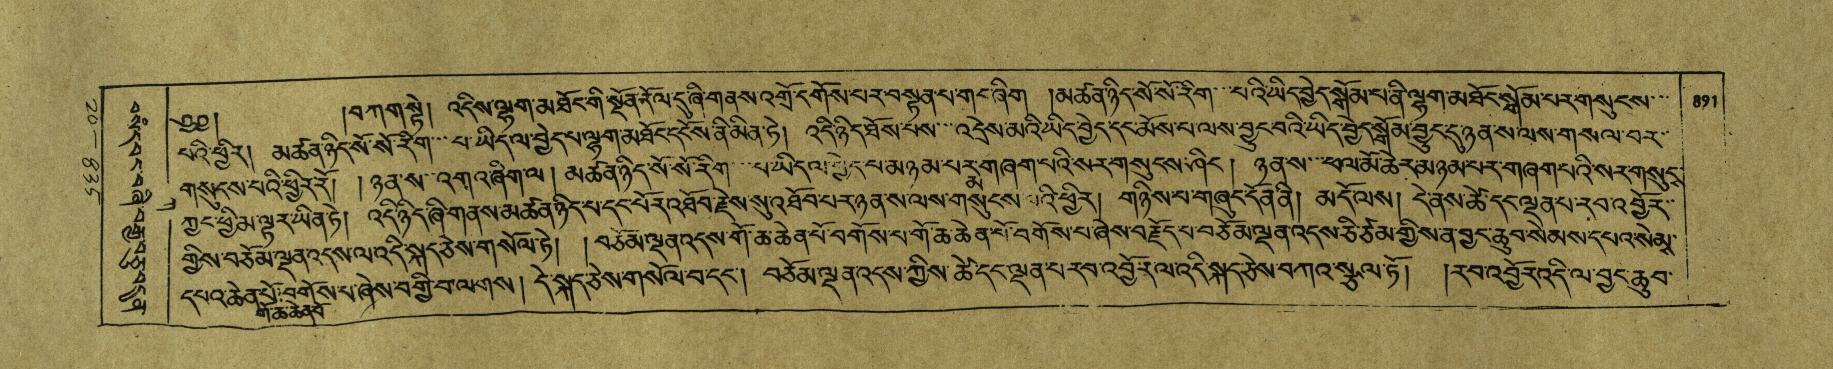༄༅། །བཀག་སྟེ། འདིས་ལྷག་མཐོང་གི་སྔོན་རོལ་དུ་ཞི་གནས་འགྲོ་དགོས་པར་བསྟན་པ་གང་ཞིག །མཚན་ཉིད་སོ་སོ་རིག་པའི་ཡིད་བྱེད་སྒོམ་པ་ནི་ལྷག་མཐོང་སྒོམ་པར་གསུངས་
པའི་ཕྱིར། །མཚན་ཉིད་སོ་སོ་རིག་པ་ཡིད་ལ་བྱེད་པ་ལྷག་མཐོང་དངོས་ནི་མིན་ཏེ། འདི་ཉིད་ཐོས་པས་འདྲེས་མའི་ཡིད་བྱེད་དང་མོས་པ་ལས་བྱུང་བའི་ཡིད་བྱེད་སྒོམ་བྱུང་དུ་ཉན་ས་ལས་གསལ་བར་
གསུངས་པའི་ཕྱིར་རོ། །ཉན་ས་འགའ་ཞིག་ལ། མཚན་ཉིད་སོ་སོ་རིག་པ་ཡིད་ལ་བྱེད་པ་མཉམ་པར་མ་གཞག་པའི་སར་གསུངས་ཤིང་། །ཉན་ས་ཕལ་མོ་ཆེར་མཉམ་པར་གཞག་པའི་སར་གསུངས་
ཀྱང་ཕྱི་མ་ལྟར་ཡིན་ཏེ། འདི་ཉིད་ཞི་གནས་མཚན་ཉིད་པ་དང་པོར་འཐོབ་རྗེས་སུ་འཐོབ་པར་ཉན་ས་ལས་གསུངས་པའི་ཕྱིར། གཉིས་པ་གཞུང་དོན་ནི། མདོ་ལས། དེ་ནས་ཚེ་དང་ལྡན་པ་རབ་འབྱོར་
གྱིས་བཅོམ་ལྡན་འདས་ལ་འདི་སྐད་ཅེས་གསོལ་ཏེ། བཅོམ་ལྡན་འདས་གོ་ཆ་ཆེན་པོ་བགོས་པ་གོ་ཆ་ཆེན་པོ་བགོས་པ་ཞེས་བརྗོད་པ་བཅོམ་ལྡན་འདས་ཅི་ཙམ་གྱིས་ན་བྱང་ཆུབ་སེམས་དཔའ་སེམས་
དཔའ་ཆེན་པོ་གོ་ཆ་ཆེན་པོ་བགོས་པ་ཞེས་བགྱི་བ་ལགས། དེ་སྐད་ཅེས་གསོལ་བ་དང་། བཅོམ་ལྡན་འདས་ཀྱིས་ཚེ་དང་ལྡན་པ་རབ་འབྱོར་ལ་འདི་སྐད་ཅེས་བཀའ་སྩལ་ཏོ། །རབ་འབྱོར་འདི་ལ་བྱང་ཆུབ་